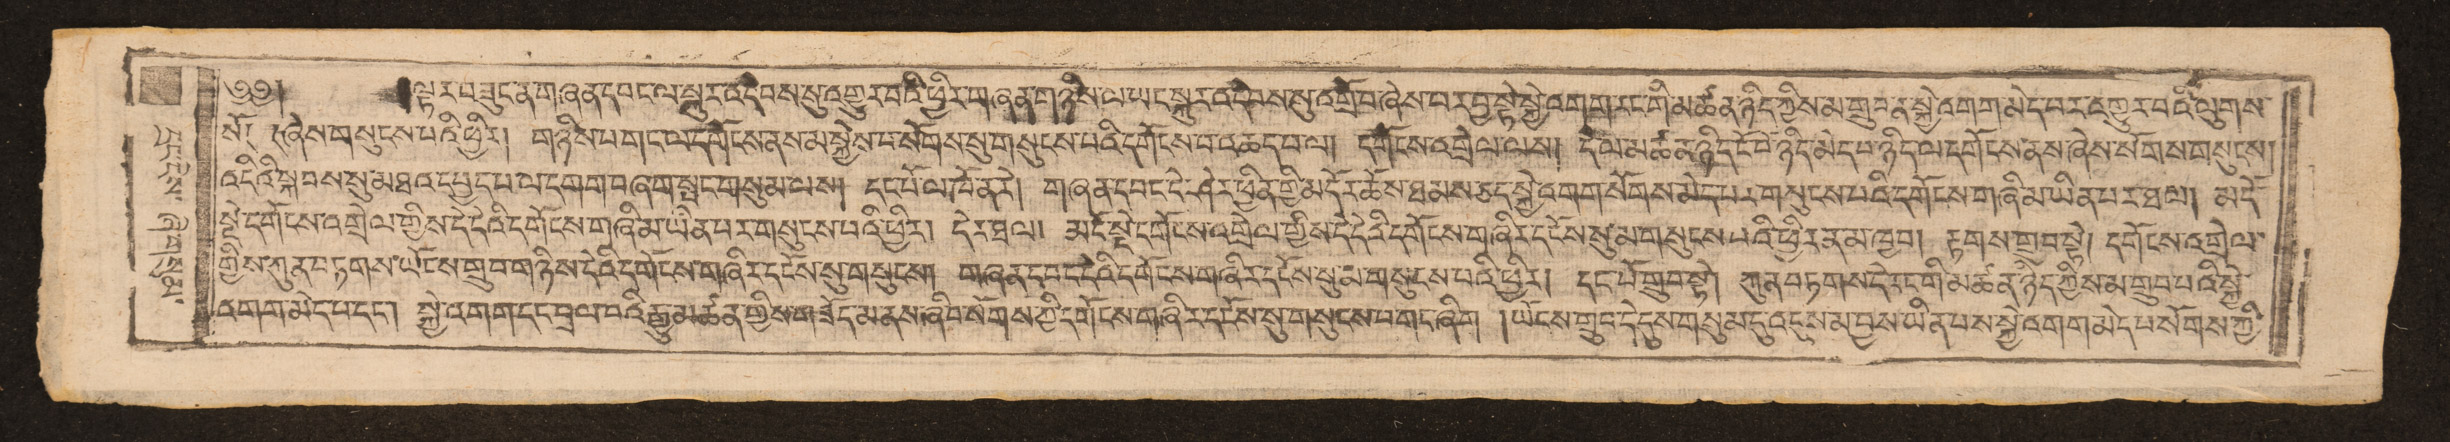༄༅། །ལྟར་བཟུང་ན་གཞན་དབང་ལ་སྐུར་འདེབས་སུ་འགྱུར་བའི་ཕྱིར་གཞན་གཉིས་ལ་ཡང་སྐུར་འདེབས་སུ་འགྲོ་བ་ཞེས་པར་བྱ་སྟེ་སྐྱེ་འགག་རང་གི་མཚན་ཉིད་ཀྱིས་མ་གྲུབ་ན་སྐྱེ་འགག་མེད་པར་འགྱུར་བའི་ལུགས་
སོ༑ ༑ཞེས་གསུངས་པའི་ཕྱིར། གཉིས་པ་གང་ལ་དགོངས་ནས་མ་སྐྱེས་པ་སོགས་སུ་གསུངས་པའི་དགོངས་པ་འཆད་པ་ལ། དགོངས་འགྲེལ་ལས། དེ་ལ་མཚན་ཉིད་ངོ་བོ་ཉིད་མེད་པ་ཉིད་ལ་དགོངས་ནས་ཞེས་སོགས་གསུངས།
འདིའི་སྐབས་སུ་མཐའ་དཔྱད་པ་ལ་དགག་བཞག་སྤང་གསུམ་ལས། དང་པོ་ལ་ཁོ་ན་རེ། གཞན་དབང་དེ་ཤེར་ཕྱིན་གྱི་མདོར་ཆོས་ཐམས་ཅད་སྐྱེ་འགག་སོགས་མེད་པར་གསུངས་པའི་དགོངས་གཞི་མ་ཡིན་པར་ཐལ། མདོ་
སྡེ་དགོངས་འགྲེལ་གྱིས་དེ་དེའི་དགོངས་གཞི་མ་ཡིན་པར་གསུངས་པའི་ཕྱིར། དེར་ཐལ། མདོ་སྡེ་དགོངས་འགྲེལ་གྱིས་དེ་དེའི་དགོངས་གཞིར་དངོས་སུ་མ་གསུངས་པའི་ཕྱིར་ན་མ་ཁྱབ། རྟགས་གྲུབ་སྟེ། དགོངས་འགྲེལ་
གྱིས་ཀུན་བཏགས་ཡོངས་གྲུབ་གཉིས་དེའི་དགོངས་གཞིར་དངོས་སུ་གསུངས། གཞན་དབང་དེའི་དགོངས་གཞིར་དངོས་སུ་མ་གསུངས་པའི་ཕྱིར། དང་པོ་གྲུབ་སྟེ། ཀུན་བཏགས་དེ་རང་གི་མཚན་ཉིད་ཀྱིས་མ་གྲུབ་བའི་སྐྱེ་
འགག་མེད་པ་དང་། སྐྱེ་འགག་དང་བྲལ་བའི་རྒྱུ་མཚན་གྱིས་གཟོད་མ་ནས་ཞིབ་སོགས་ཀྱི་དགོངས་གཞིར་དངོས་སུ་གསུངས་པ་གང་ཞིག །ཡོངས་གྲུབ་དེ་དུས་གསུམ་དུ་འདུས་མ་བྱས་ཡིན་པས་སྐྱེ་འགག་མེད་པ་སོགས་ཀྱི་